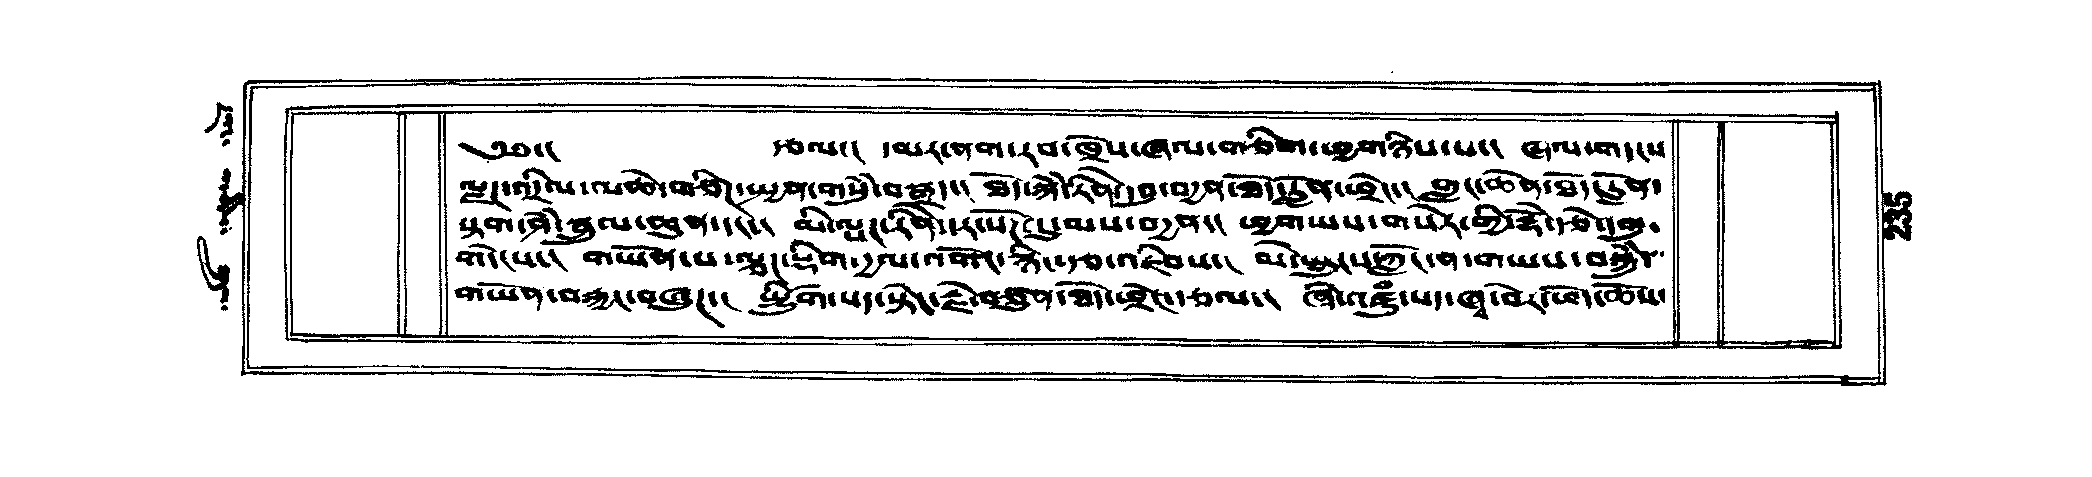རྩལ། །དམར་ནག་རབ་ཁྲོས་ཞལ་གཅིག་ཕྱག་གཉིས་པ། །ཞལ་གདངས་
ལྗགས་འདྲིལ་མཆེ་གཙིགས་སྤྱན་གསུམ་བསྒྲད། །ཐོད་སྐམ་རིན་ཆེན་དབུ་བརྒྱན་ཐོད་རློན་ཕྲེང་། །གླང་ཆེན་ཐོད་རློན་
སྟག་ཤམ་སྦྲུལ་ཆུན་དང་། །མི་ལྤགས་རིན་ཆེན་དར་སོགས་དུ་མས་བརྒྱན། །ཕྱག་གཡས་གསེར་གྱི་རྡོ་རྗེ་རྩེ་དགུ་
གདེངས། །གཡོན་པ་ལྕགས་སྡིག་རྒྱལ་འགོང་སྙིང་རྩ་འཇིབས། །མེ་སྤུངས་ཀློང་ན་གཡས་བསྐུམ་
གཡོན་བརྐྱང་བཞུགས། །སྤྱི་གཙུག་པད་སྟེང་རྗེ་བཙུན་ཐོད་ཕྲེང་རྩལ། །ཞི་འཛུམ་པད་ཞྭ་བེར་ཕོད་ཆོས་